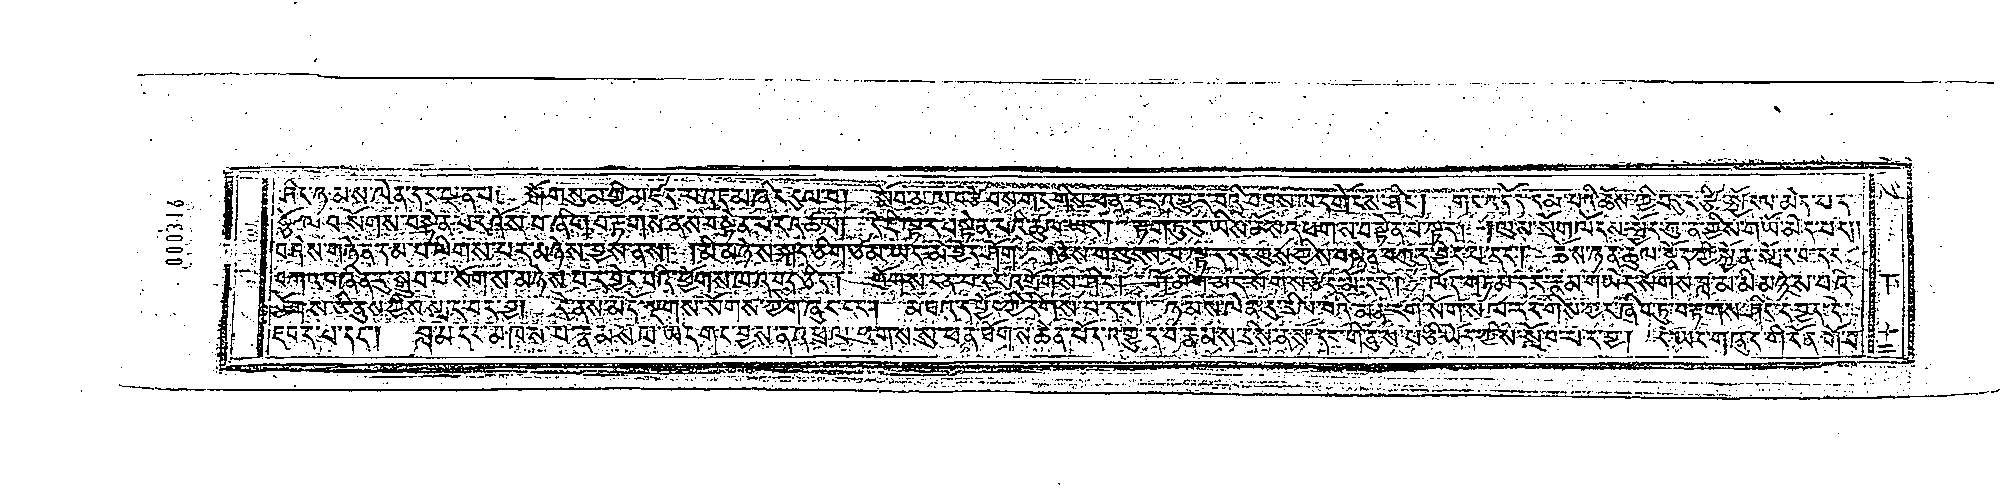ཤིང་ཉམས་ལེན་དང་ལྡན་པ། སྒོ་གསུམ་གྱི་མཛད་པ་འཇམ་ཞིང་དུལ་བ། སློབ་མ་ལ་བརྩེ་བས་གང་གིས་ཕན་པར་འགྱུར་བའི་བབས་ལ་དགོངས་ཤིང་། གང་འདོད་དམ་པའི་ཆོས་ཀྱི་བདུང་རྩི་སྐྱོང་ལ་མེད་པར་
སྩོལ་བ་སོགས་བསྟེན་པར་འོས་པ་ཞིག་བརྟགས་ནས་བསྟན་པར་འཚལ། དེ་ཇི་ལྟར་བསྟེན་པའི་ཚུལ་ཡང་། རྟག་ཏུ་དུ་ཡིས་ཆོས་འཕགས་བསྟེན་པ་ལྟར། །ལུས་སྲོག་ལོངས་སྦྱོད་ཀུན་གྱིས་གཡོ་མེད་པར། །
བཤེས་གཉེན་དམ་པ་ལེགས་པར་མཉེས་བྱས་ནས། །མི་མཉེས་སྐད་ཅིག་ཙམ་ཡང་མི་བྱེད་ཤོག །ཅེས་གསུངས་པ་ལྟར་དང་གུས་ཀྱིས་བསྙེན་བཀུར་བྱེད་པ་དང་། ཆོས་ཉན་ཚུལ་སྣོད་ཀྱི་སྐྱོན་སྤོང་བ་དང་
བཀའ་བཞིན་དུ་སྒྲུབ་པ་སོགས་མཉེས་པར་བྱེད་པའི་ཕྱོགས་ལ་འབད་ཅིང་། གྲོགས་ངན་པ་དང་འགྲོགས་ཤིང་། ཤོ་མིག་མང་སོགས་རྩེད་མོ་དང་། ལོར་གཏམ་དང་རྣམ་གཡེང་སོགས་བླ་མ་མི་མཉེས་པའི་
ཕྱོགས་ཅི་ནུས་ཀྱིས་སྤང་བར་བྱ། དེ་ནས་མདོ་སྔགས་སོགས་ཀྱི་གཞུང་དང་། མཐའ་དཔྱོད་ཀྱི་རིགས་པ་དང་། ཉམས་ལེན་དུ་དྲིལ་བའི་མན་ངག་སོགས་ལ་རང་གིས་ཀྱང་ཞིབ་ཏུ་བརྟགས་ཤིང་དཔྱད་དེ་
ཛ་བད་པ་དང་། བླ་མ་དང་མཁས་པ་རྣམས་ལ་ཡང་གང་བྱས་ན་འཕྲལ་ཕུགས་སུ་ཕན་ཐོགས་ཆེན་པོར་འགྱུར་བ་རྣམས་དྲིས་ནས་རང་གི་ནུས་པ་ཅི་ཡོད་ཀྱིས་སློབ་པར་བྱ། དེ་ཡང་གཞུང་གི་དོན་གོ་བ་